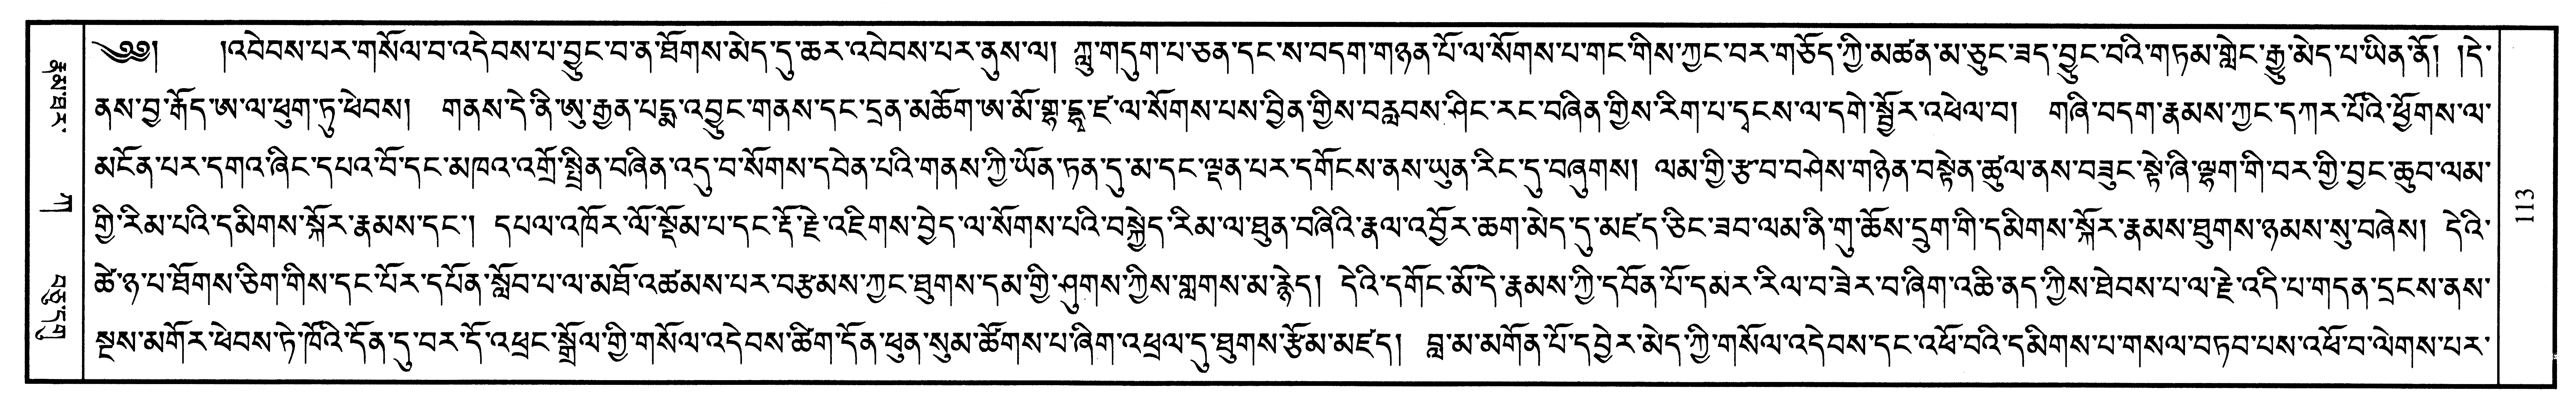༄༅། །འབེབས་པར་གསོལ་བ་འདེབས་པ་བྱུང་བ་ན་ཐོགས་མེད་དུ་ཆར་འབེབས་པར་ནུས་ལ། ཀླུ་གདུག་པ་ཅན་དང་ས་བདག་གཉན་པོ་ལ་སོགས་པ་གང་གིས་ཀྱང་བར་གཅོད་ཀྱི་མཚན་མ་ཅུང་ཟད་བྱུང་བའི་གཏམ་གླེང་རྒྱུ་མེད་པ་ཡིན་ནོ། །དེ་
ནས་བྱ་རྒོད་ཨ་ལ་ཕུག་ཏུ་ཕེབས། གནས་དེ་ནི་ཨུ་རྒྱན་པདམ་འབྱུང་གནས་དང་དྲན་མཆོག་ཨ་མོ་གྷ་དྷྭ་ཛ་ལ་སོགས་པས་བྱིན་གྱིས་བརླབས་ཤིང་རང་བཞིན་གྱིས་རིག་པ་དྭངས་ལ་དགེ་སྦྱོར་འཕེལ་བ། གཞི་བདག་རྣམས་ཀྱང་དཀར་པོའི་ཕྱོགས་ལ་
མངོན་པར་དགའ་ཞིང་དཔའ་བོ་དང་མཁའ་འགྲོ་སྤྲིན་བཞིན་འདུ་བ་སོགས་དབེན་པའི་གནས་ཀྱི་ཡོན་ཏན་དུ་མ་དང་ལྡན་པར་དགོངས་ནས་ཡུན་རིང་དུ་བཞུགས། ལམ་གྱི་རྩ་བ་བཤེས་གཉེན་བསྟེན་ཚུལ་ནས་བཟུང་སྟེ་ཞི་ལྷག་གི་བར་གྱི་བྱང་ཆུབ་ལམ་
གྱི་རིམ་པའི་དམིགས་སྐོར་རྣམས་དང་། དཔལ་འཁོར་ལོ་སྡོམ་པ་དང་རྡོ་རྗེ་འཇིགས་བྱེད་ལ་སོགས་པའི་བསྐྱེད་རིམ་ལ་ཐུན་བཞིའི་རྣལ་འབྱོར་ཆག་མེད་དུ་མཛད་ཅིང་ཟབ་ལམ་ནི་གུ་ཆོས་དྲུག་གི་དམིགས་སྐོར་རྣམས་ཐུགས་ཉམས་སུ་བཞེས། དེའི་
ཚེ་ཉ་པ་ཐོགས་ཅིག་གིས་དང་པོར་དཔོན་སློབ་པ་ལ་མཐོ་འཚམས་པར་བརྩམས་ཀྱང་ཐུགས་དམ་གྱི་ཤུགས་ཀྱིས་གླགས་མ་རྙེད། དེའི་དགོང་མོ་དེ་རྣམས་ཀྱི་དབོན་པོ་དམར་རིལ་བ་ཟེར་བ་ཞིག་འཆི་ནད་ཀྱིས་ཐེབས་པ་ལ་རྗེ་འདི་པ་གདན་དྲངས་ནས་
སྔས་མགོར་ཕེབས་ཏེ་ཁོའི་དོན་དུ་བར་དོ་འཕྲང་སྒྲོལ་གྱི་གསོལ་འདེབས་ཚིག་དོན་ཕུན་སུམ་ཚོགས་པ་ཞིག་འཕྲལ་དུ་ཐུགས་རྩོམ་མཛད། བླ་མ་མགོན་པོ་དབྱེར་མེད་ཀྱི་གསོལ་འདེབས་དང་འཕོ་བའི་དམིགས་པ་གསལ་བཏབ་པས་འཕོ་བ་ལེགས་པར་